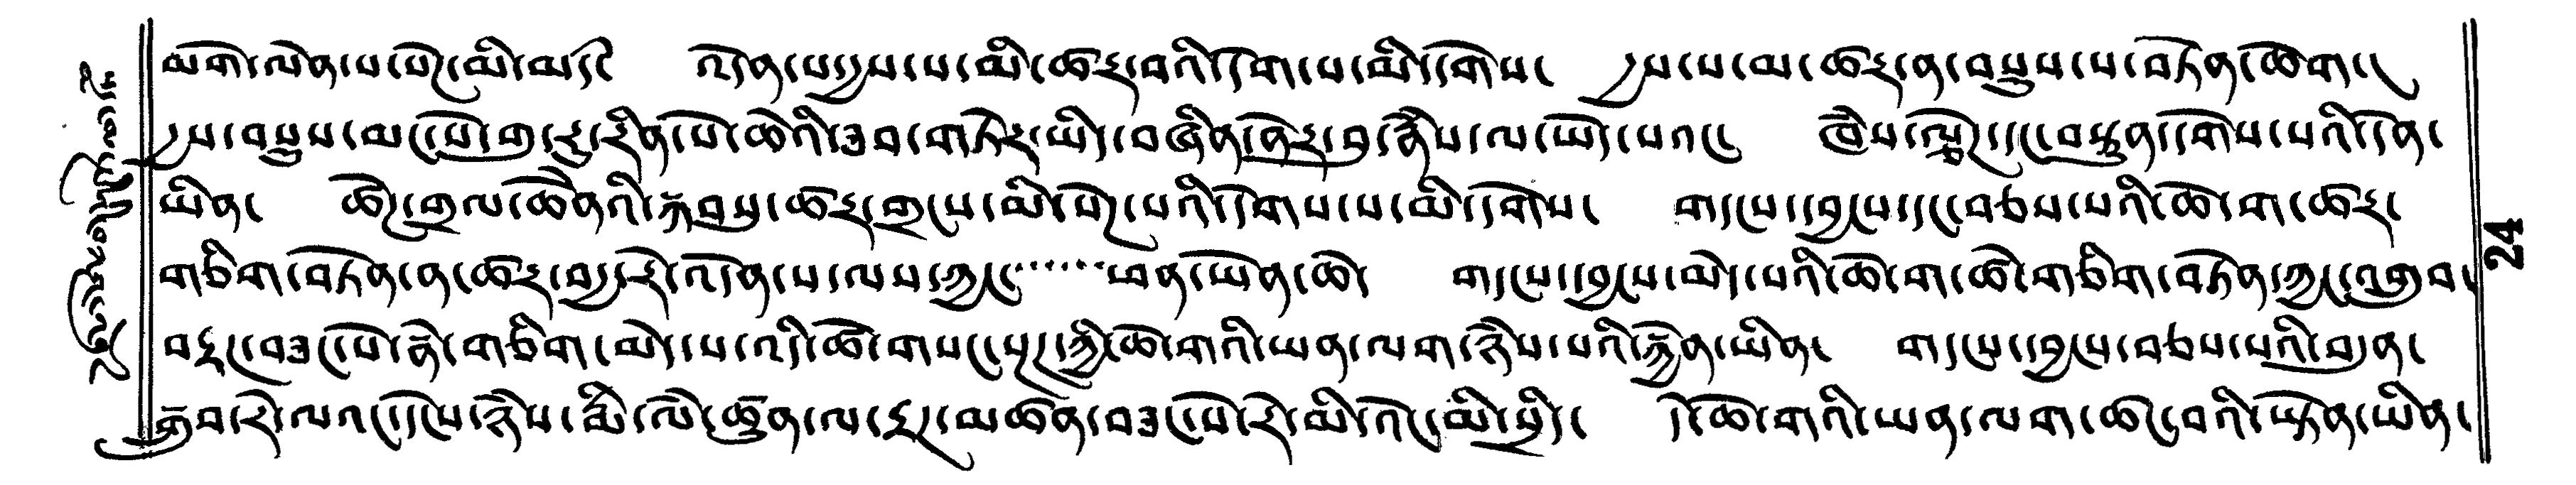མགོ་ལེན་པ་སོགས་མི་མཛད། འདོན་པ་རྒྱས་པ་མི་ཚར་བའི་དོགས་པ་མི་དགོས། རྒྱས་པ་མ་ཚར་ན་བསྡུས་པ་བཏོན་ཆོག 
རྒྱས་བསྡུས་མང་པོ་གུ་རུ་རིན་པོ་ཆེའི་ཟབ་གཏེར་ཡིད་བཞིན་ནོར་བུ་རྣམས་ལ་ཡོད་པའང་། ཁམས་ལྕོགས་དང་བསྟུན་དགོས་པའི་དོན་
ཡིན། ཚོགས་གྲལ་ཆེན་པོའི་སྐབས་སུ་ཚར་གྲངས་མི་གསོག་པའི་དོགས་པ་མི་དགོས། གདངས་དབྱངས་དང་བཅས་པའི་ཆོ་ག་ཚར་
གཅིག་བཏོན་ན་ཚར་བརྒྱ་རེ་འདོན་པ་ལས་ཀྱང་ཕན་ཡོན་ཆེ། གདངས་དབྱངས་མེད་པའི་ཆོ་ག་ཚེ་གཅིག་བཏོན་ཀྱང་གྲུབ་
བརྟགས་བཟང་པོ་སྣེ་གཅིག་མེད་པ་འདི་ཚོ་གསང་སྔགས་ཀྱི་ཆོ་གའི་ཡན་ལག་ཉམས་པའི་སྐྱོན་ཡིན། གདངས་དབྱངས་དང་བཅས་པའི་བདུན་
སྒྲུབ་རེ་ལའང་དངོས་ཉམས་རྨི་ལམ་ཚུན་ལ་རྟགས་མཚན་བཟང་པོ་རེ་མི་འོང་མི་སྲིད། དེ་ཆོ་གའི་ཡན་ལག་ཚང་བའི་ཡོན་ཏན་ཡིན་